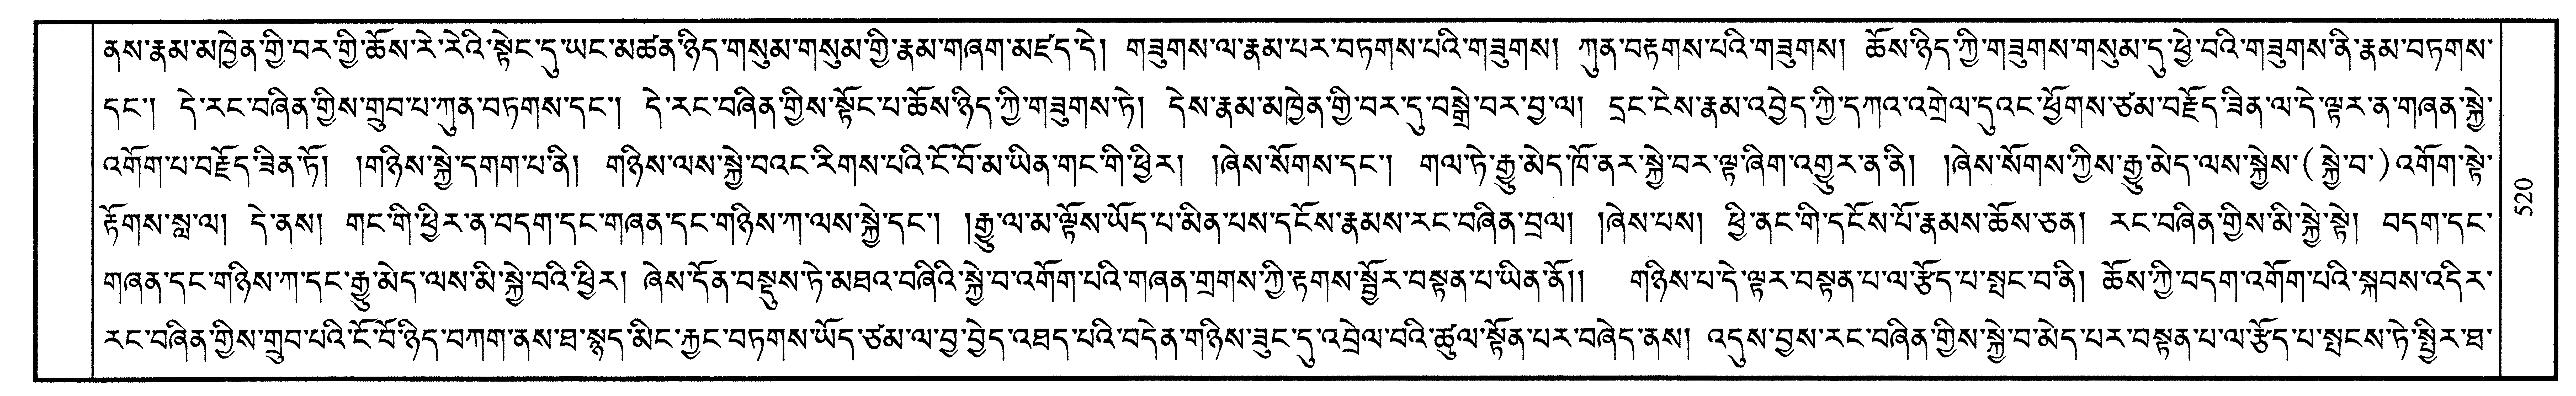ནས་རྣམ་མཁྱེན་གྱི་བར་གྱི་ཆོས་རེ་རེའི་སྟེང་དུ་ཡང་མཚན་ཉིད་གསུམ་གསུམ་གྱི་རྣམ་གཞག་མཛད་དེ། གཟུགས་ལ་རྣམ་པར་བཏགས་པའི་གཟུགས། ཀུན་བརྟགས་པའི་གཟུགས། ཆོས་ཉིད་ཀྱི་གཟུགས་གསུམ་དུ་ཕྱེ་བའི་གཟུགས་ནི་རྣམ་བཏགས་
དང་། དེ་རང་བཞིན་གྱིས་གྲུབ་པ་ཀུན་བཏགས་དང་། དེ་རང་བཞིན་གྱིས་སྟོང་པ་ཆོས་ཉིད་ཀྱི་གཟུགས་ཏེ། དེས་རྣམ་མཁྱེན་གྱི་བར་དུ་བསྒྲེ་བར་བྱ་ལ། དྲང་ངེས་རྣམ་འབྱེད་ཀྱི་དཀའ་འགྲེལ་དུའང་ཕྱོགས་ཙམ་བརྗོད་ཟིན་ལ་དེ་ལྟར་ན་གཞན་སྐྱེ་
འགོག་པ་བརྗོད་ཟིན་ཏོ། །གཉིས་སྐྱེ་དགག་པ་ནི། གཉིས་ལས་སྐྱེ་བའང་རིགས་པའི་ངོ་བོ་མ་ཡིན་གང་གི་ཕྱིར། །ཞེས་སོགས་དང་། གལ་ཏེ་རྒྱུ་མེད་ཁོ་ནར་སྐྱེ་བར་ལྟ་ཞིག་འགྱུར་ན་ནི། །ཞེས་སོགས་ཀྱིས་རྒྱུ་མེད་ལས་སྐྱེས་སྐྱེ་བ་འགོག་སྟེ་
རྟོགས་སླ་ལ། དེ་ནས། གང་གི་ཕྱིར་ན་བདག་དང་གཞན་དང་གཉིས་ཀ་ལས་སྐྱེ་དང་། །རྒྱུ་ལ་མ་ལྟོས་ཡོད་པ་མིན་པས་དངོས་རྣམས་རང་བཞིན་བྲལ། །ཞེས་པས། ཕྱི་ནང་གི་དངོས་པོ་རྣམས་ཆོས་ཅན། རང་བཞིན་གྱིས་མི་སྐྱེ་སྟེ། བདག་དང་
གཞན་དང་གཉིས་ཀ་དང་རྒྱུ་མེད་ལས་མི་སྐྱེ་བའི་ཕྱིར། ཞེས་དོན་བསྡུས་ཏེ་མཐའ་བཞིའི་སྐྱེ་བ་འགོག་པའི་གཞན་གྲགས་ཀྱི་རྟགས་སྦྱོར་བསྟན་པ་ཡིན་ནོ།། གཉིས་པ་དེ་ལྟར་བསྟན་པ་ལ་རྩོད་པ་སྤང་བ་ནི། ཆོས་ཀྱི་བདག་འགོག་པའི་སྐབས་འདིར་
རང་བཞིན་གྱིས་གྲུབ་པའི་ངོ་བོ་ཉིད་བཀག་ནས་ཐ་སྙད་མིང་རྐྱང་བཏགས་ཡོད་ཙམ་ལ་བྱ་བྱེད་འཐད་པའི་བདེན་གཉིས་ཟུང་དུ་འབྲེལ་བའི་ཚུལ་སྟོན་པར་བཞེད་ནས། འདུས་བྱས་རང་བཞིན་གྱིས་སྐྱེ་བ་མེད་པར་བསྟན་པ་ལ་རྩོད་པ་སྤངས་ཏེ་སྤྱིར་ཐ་